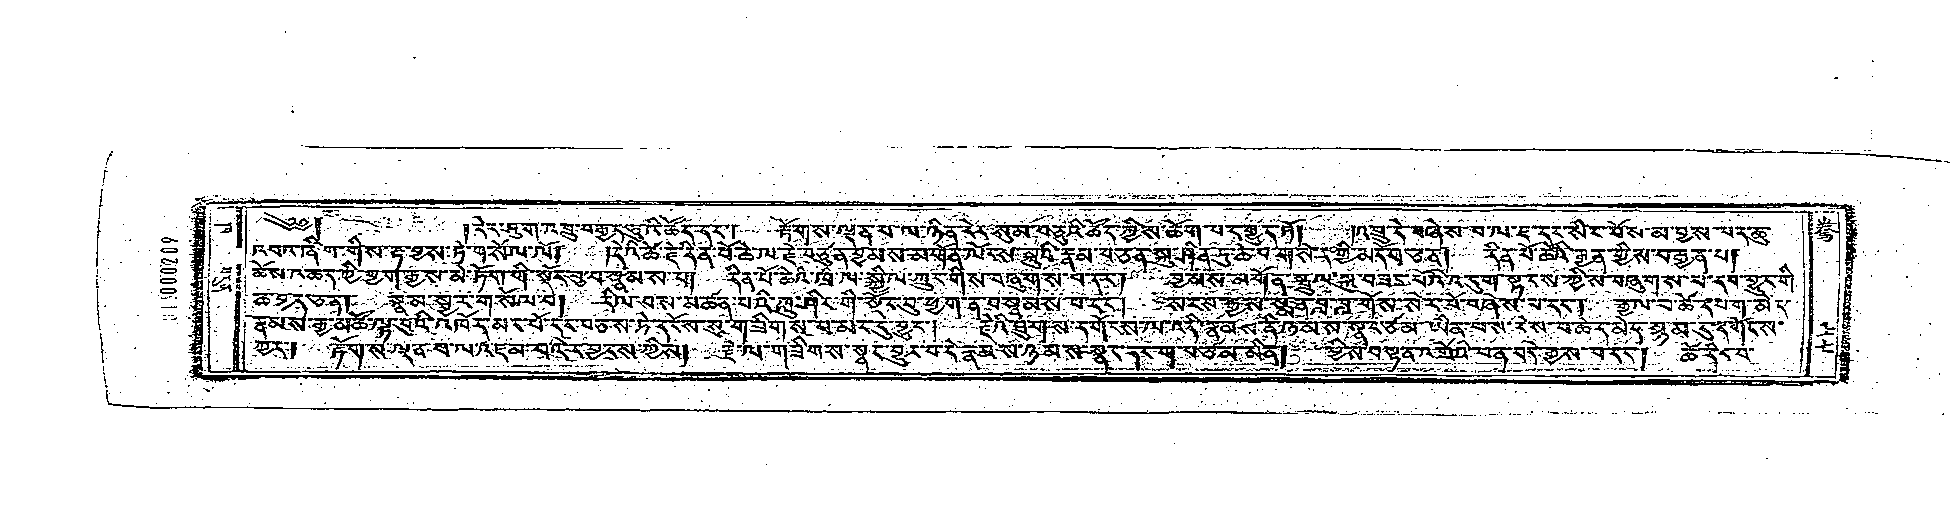༄༅། །དེར་ཤུག་འབྲུ་བརྒྱད་ཅུའི་ཚོད་དང་། རྟོགས་ལྡན་པ་ལ་ཉིན་རེར་སུམ་བཅུའི་ཚོད་ཀྱིས་ཆོག་བར་གྱུར་ཏོ། །འབྲུ་དེ་བཞེས་བ་ལ་ཇ་དང་སིང་བོས་མ་བྱས་པར་ཆུ་
འབའ་ཞིག་གིས་རྟ་བྱས་ཏེ་གསོལ་ལོ། །དེའི་ཚེ་རྗེ་རིན་པོ་ཆེ་ལ་རྗེ་བཙུན་བྱམས་མགོན་ལོངས་སྐུའི་རྣམ་བཅན་སྐུ་ཤིན་ཏུ་ཆེ་བ་གསེར་གྱི་མདོག་ཅན། རིན་པོ་ཆེའི་རྒྱན་གྱིས་བརྒྱན་པ།
ཆོས་འཆད་ཀྱི་ཕྱག་རྒྱས་མེ་ཏོག་གི་སྡོང་བུ་བསྣམས་པ། རིན་པོ་ཆེའི་ཁྲི་ལ་སྐྱིལ་ཀྲུང་གིས་བཞུགས་པ་དང་། བྱམས་མགོན་སྤྲུལ་སྐུ་བཟང་བོའི་འདུག་སྟངས་ཀྱིས་བཞུགས་པ་རབ་བྱུང་གི་
ཆ་བྱད་ཅན། སྣམ་སྦྱར་གསོལ་བ། རིལ་བས་མཚན་བའི་ཀླུ་ཤིང་གི་སྡོང་བུ་ཕྱག་ན་བསྣམས་པ་དང་། སངས་རྒྱས་སྨན་བླ་བླ་གོས་སེར་བོ་བཞེས་པ་དང་། རྒྱལ་བ་ཚེ་དཔག་མེད་
རྣམས་རྒྱ་མཚོ་ལྟ་བུའི་འཁོར་མང་པོ་དང་བཅས་ཏེ་དངོས་སུ་གཟིགས་བ་མང་དུ་བྱུང་། རྗེའི་ཐུགས་དགོངས་ལ་འདི་རྣམས་ནི་ཉམས་སྣང་ཙམ་ཡིན་པས་ངེས་བ་ཆེད་མེད་སྙམ་དུ་དགོངས་
ཀྱང་། རྟོགས་ལྡན་པ་ལ་འཇམ་པའི་དབྱངས་ཀྱིས། རྗེ་ལ་གཟིགས་སྣང་བྱུང་བ་དེ་རྣམས་ཉམས་སྣང་རང་ག་པ་ཙམ་མིན། ཕྱིས་བསྟན་འགྲོའི་བན་བདེ་རྒྱས་པ་དང་། ཚེ་རིང་བ་